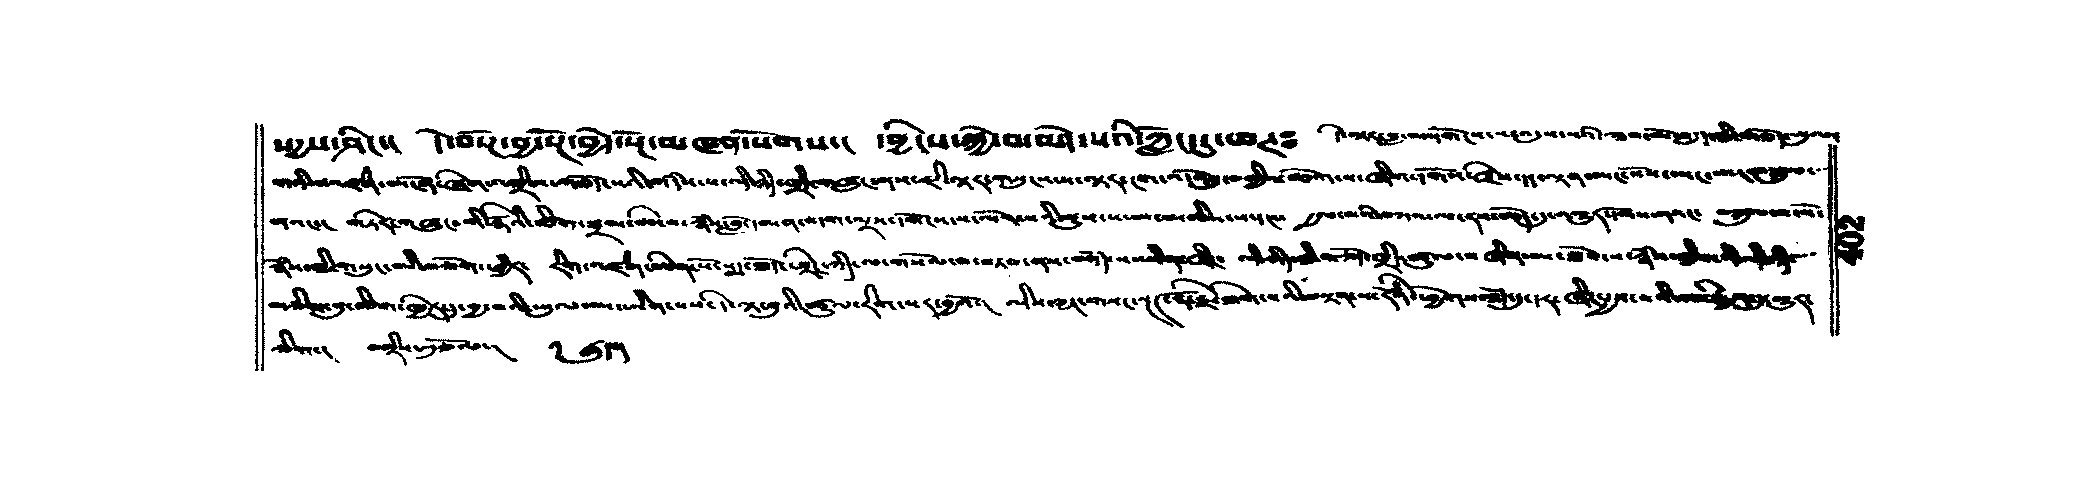སངས་རྒྱས་ཤིང་། །དེ་བསྔོ་བྱ་སྔོ་བྱེད་སྔོ་མཁན་སོགས། །དབྱིངས་སྐྱེ་བ་མེད་པའི་ཀླཽང་དུ་ཕཊཿདེ་ལྟར་བླ་མ་དགོངས་པ་འདུས་པའི་ཟབ་མོ་བདུད་ཀྱི་གཅོད་ཡུལ་
གཉིས་འཛིན་མངོན་ཞེན་འབྲི་བ་གཅོད་པའི་གདམས་པ་འདི་ཉིད་ཁྲིད་གཞུང་ནས་ཇི་ལྟར་གསུངས་པ་ལྟར་ངག་འདོན་དུ་བགྱིས་ཆོག་པ་ཞིག་དགོས་ཞེས་ད་ལྟ་ཡང་ཡང་མང་པོས་བསྐུལ་
ནའང་། གཏེར་གཞུང་གི་རྡོ་རྗེའི་ཚིག་སྦྲམ་ཆེ་བ་རྣམས་བློ་དམན་བདག་འདྲས་དགོངས་པ་ལོན་པའི་ནུས་པ་མ་མཆིས་པ་དང་། རྒྱལ་བའི་བཀའ་ལ་རས་ཆོད་དུ་འགྱུར་དགོས་ནའང་། བསྐུལ་བ་་་་་་་་་
རྣམས་ཀྱིས་ནི་འདི་ཉིད་
གཅིག་པུ་ཚིག་ཁྱེར་དུ་བྱ་བའི་ཡུལ་མ་ཡིན་པས་དེ་ལྟ་བུའི་ཚུལ་རིག་པར་བྱའོ། འདིས་ཀྱང་གསང་སྔགས་རྡོ་རྗེ་ཐེག་པའི་བསྟན་པ་རིན་པོ་ཆེ་ཕྱོགས་ཐམས་ཅད་དུ་དར་ཞིང་རྒྱས་པའི་ལས་རྐྱེན་དུ་གྱུར་
ཅིག་་་་་་་་